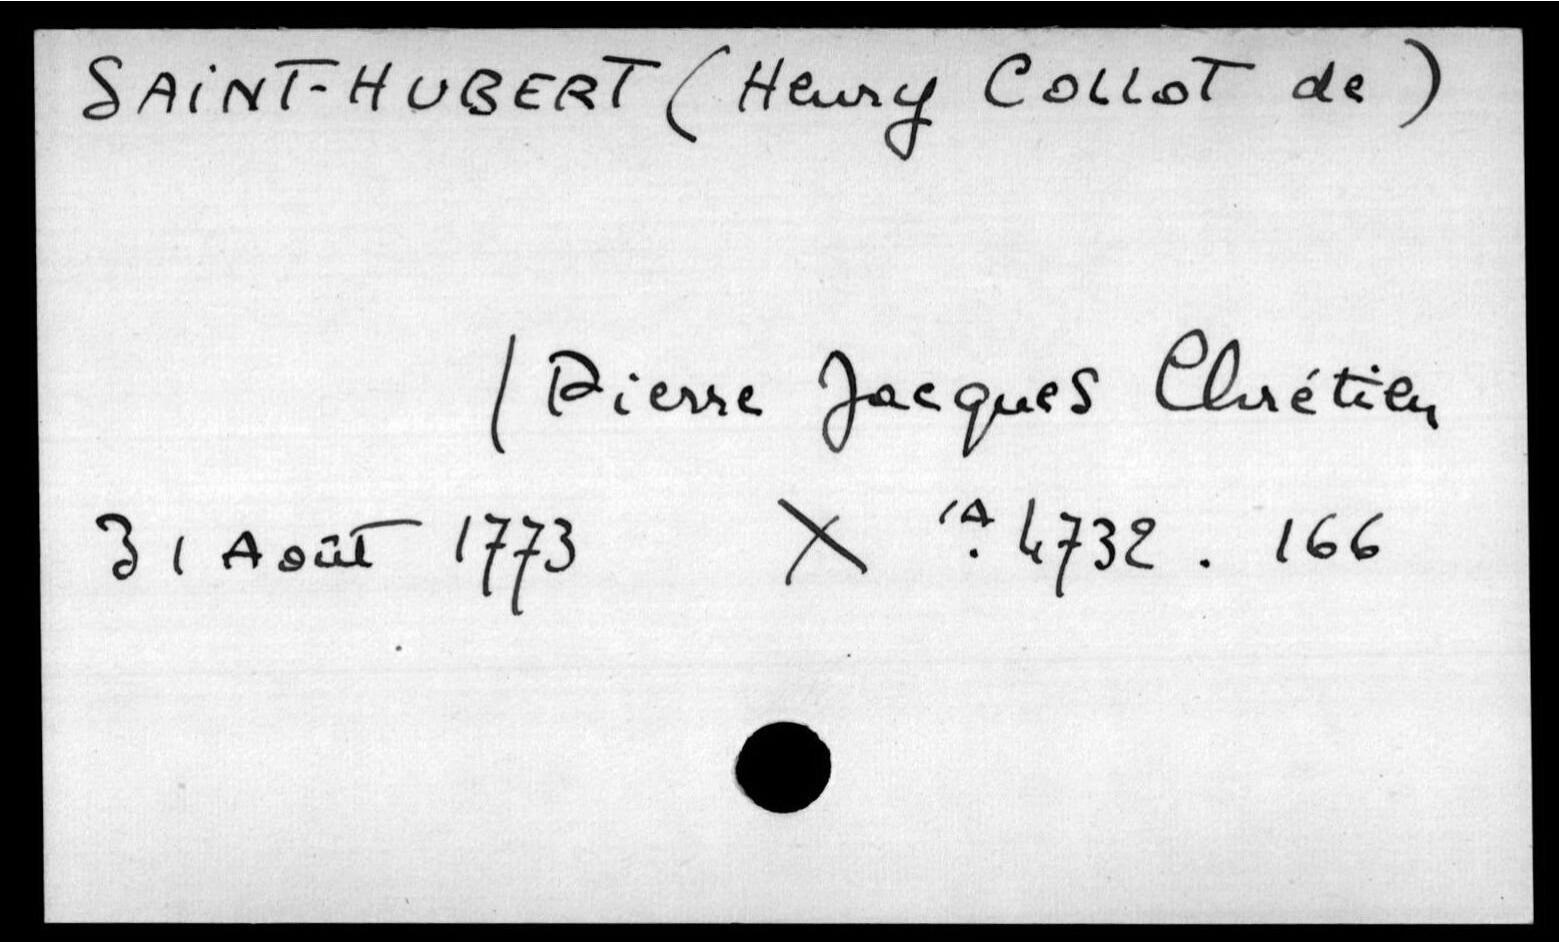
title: SAINT-HUBERT (Henry Collot de)
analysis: Contre Pierre Jacques Chrétien
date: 31 août 1773
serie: X1A
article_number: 4732
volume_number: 166
